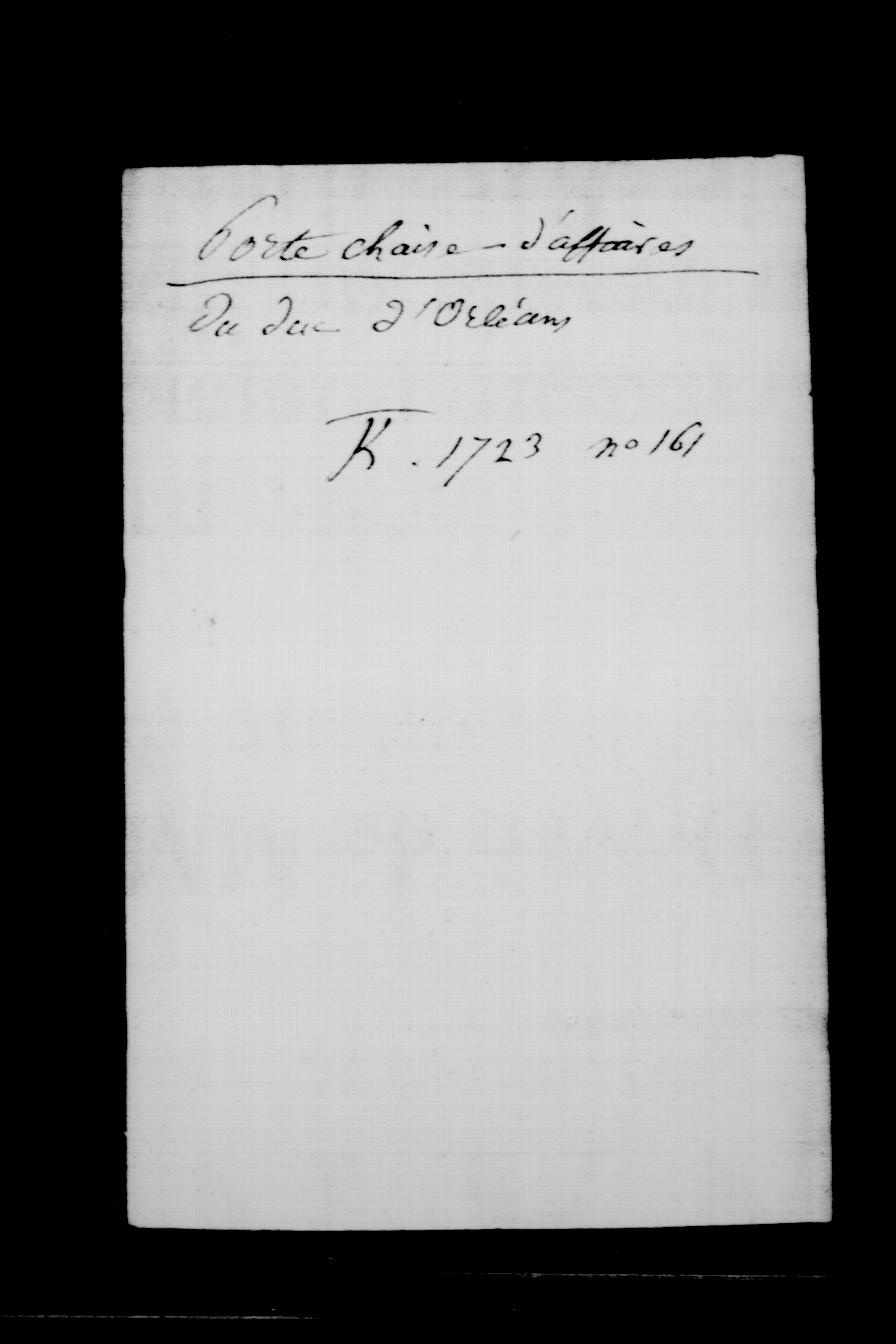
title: Porte chaise-d'affaires
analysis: Du duc d'Orléans
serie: K
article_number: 1723
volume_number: n° 161
